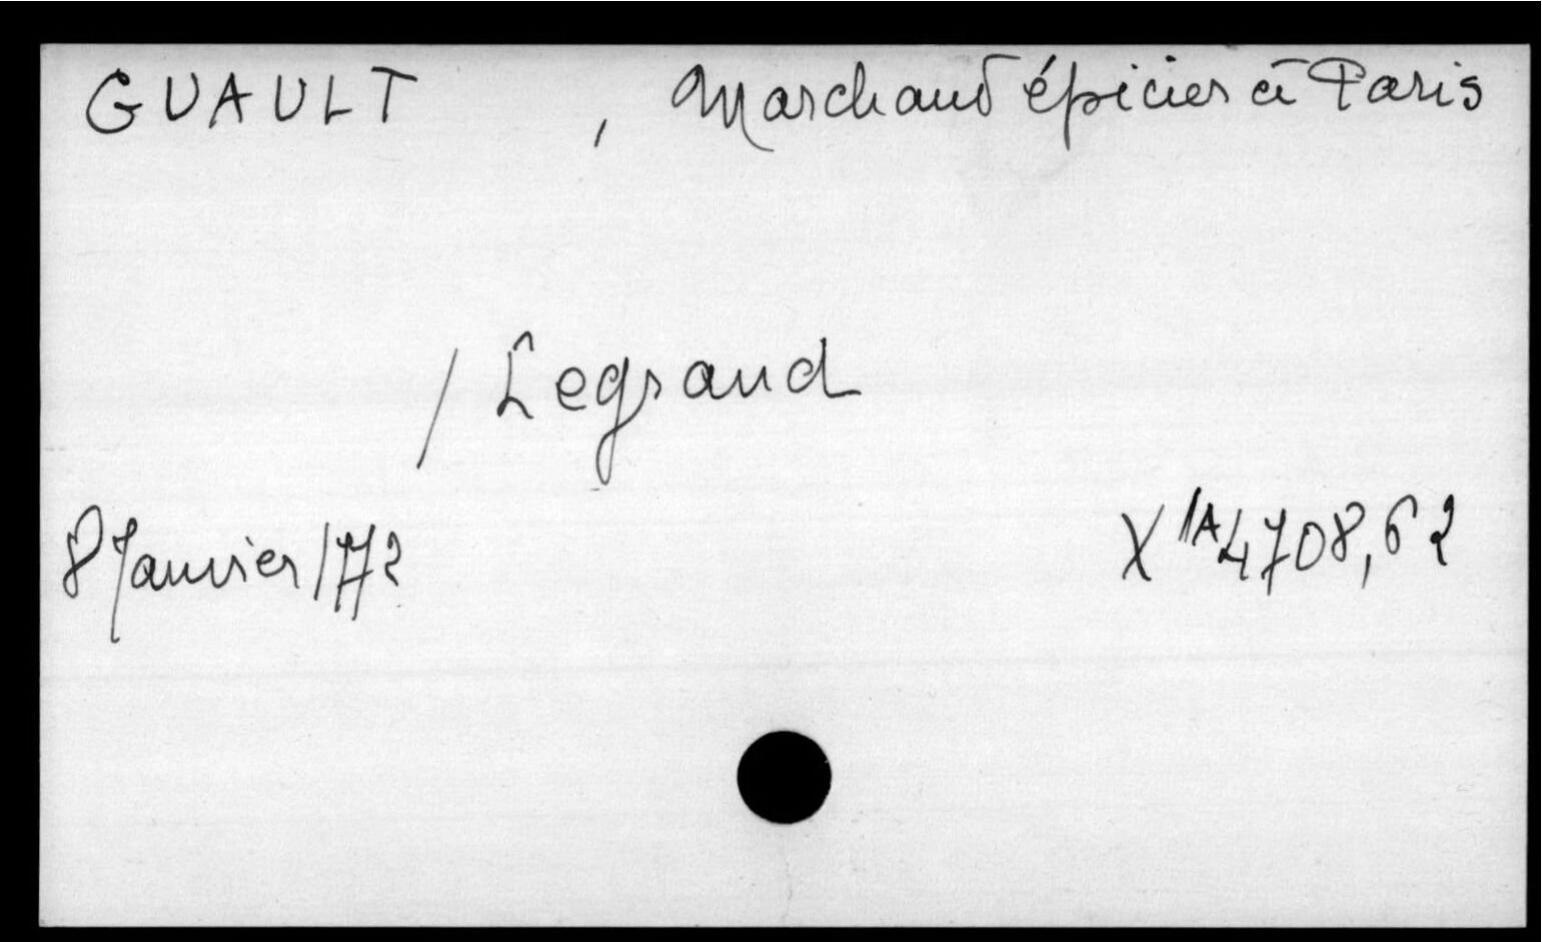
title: GUAULT, marchand épicier à Paris
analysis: Contre Legrand
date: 8 janvier 1772
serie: X1A
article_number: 4708
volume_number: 62
